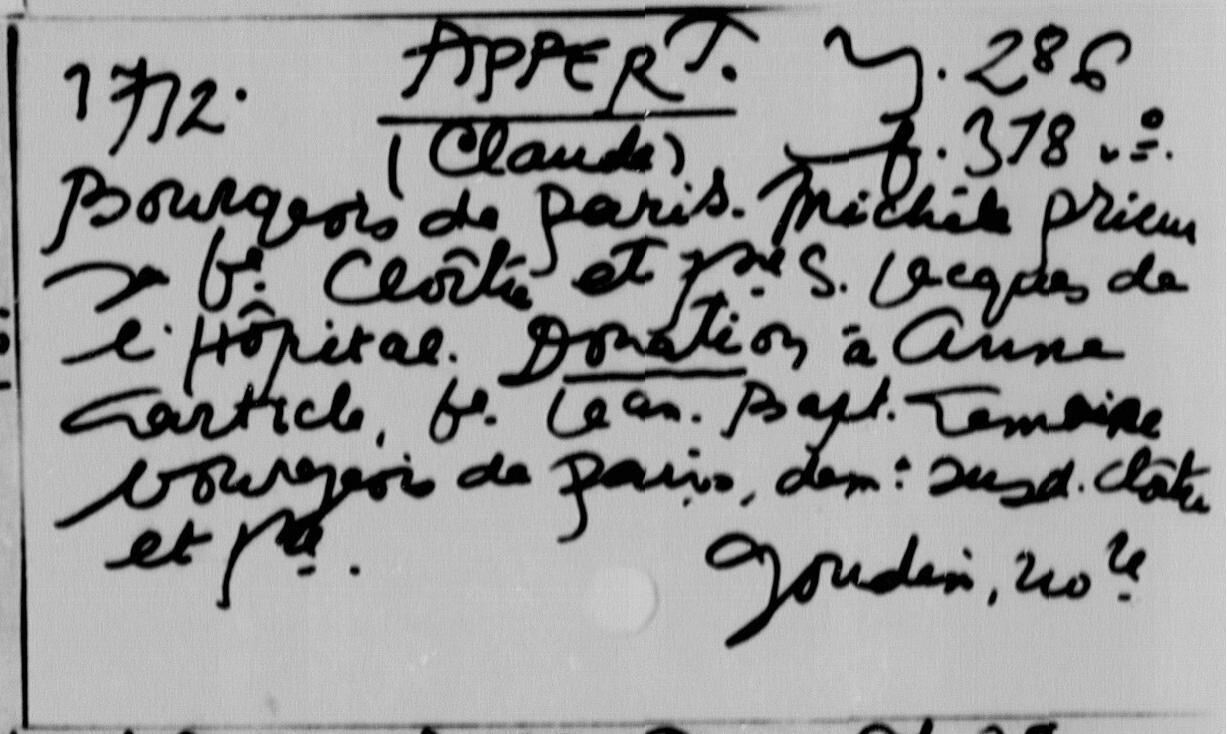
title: APPERT (Claude=
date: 1712
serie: Y
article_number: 286
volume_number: folio 318 verso
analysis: Bourgeois de Paris. Michèle Prieur, sa femme, cloître et paroisse Saint Jacques de l'Hôpital. Donation à Anne Garticle?, femme Jean Baptiste Lemaire bourgeois de Paris, demeurant susdit cloître et paroisse. Goudin, notaire
